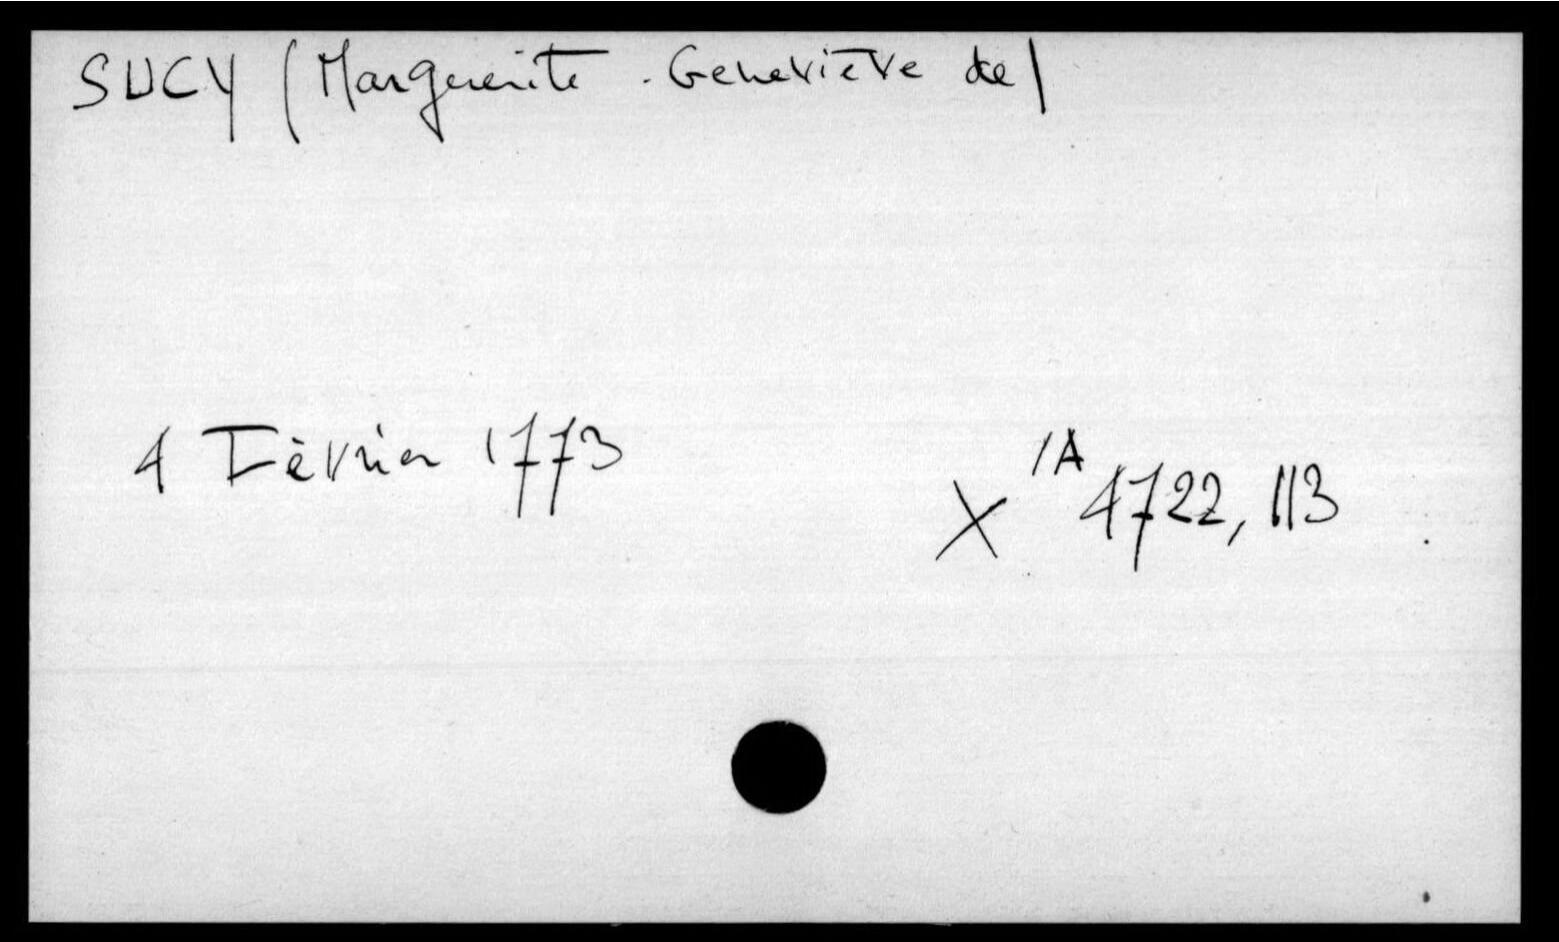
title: SUCY (Marguerite-Geneviève de)
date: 4 février 1773
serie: X1A
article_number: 4722
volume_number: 113
